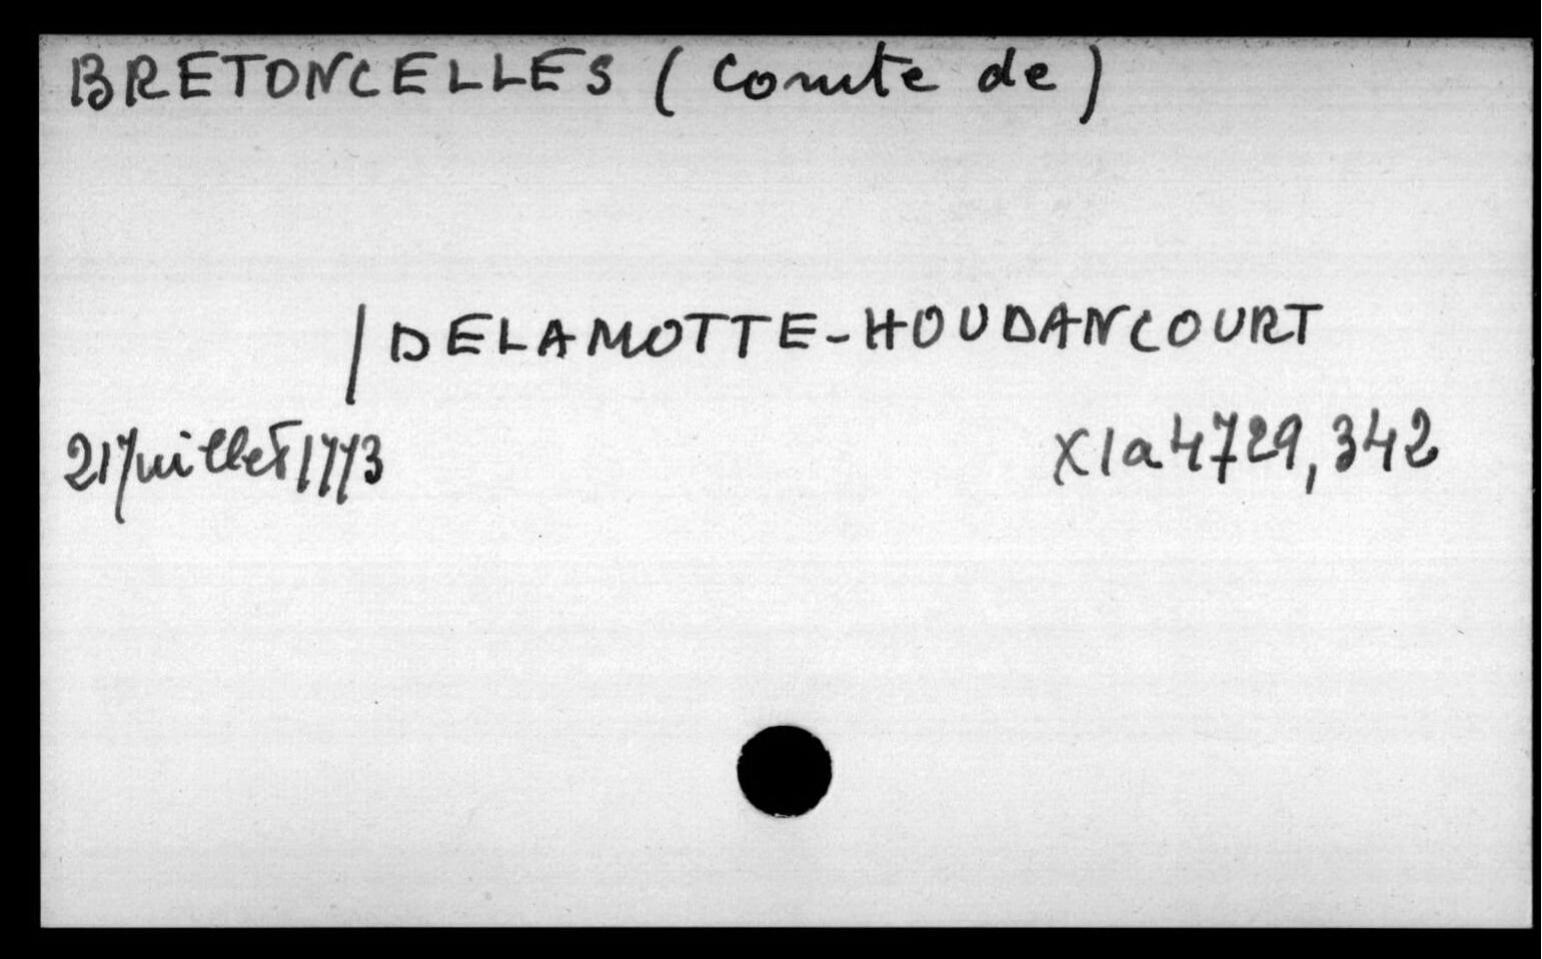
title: BRETONCELLES (comte de)
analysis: Contre DELAMOTTE-HOUDANCOURT
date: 21 juillet 1773
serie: X1a
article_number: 4729
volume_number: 342
